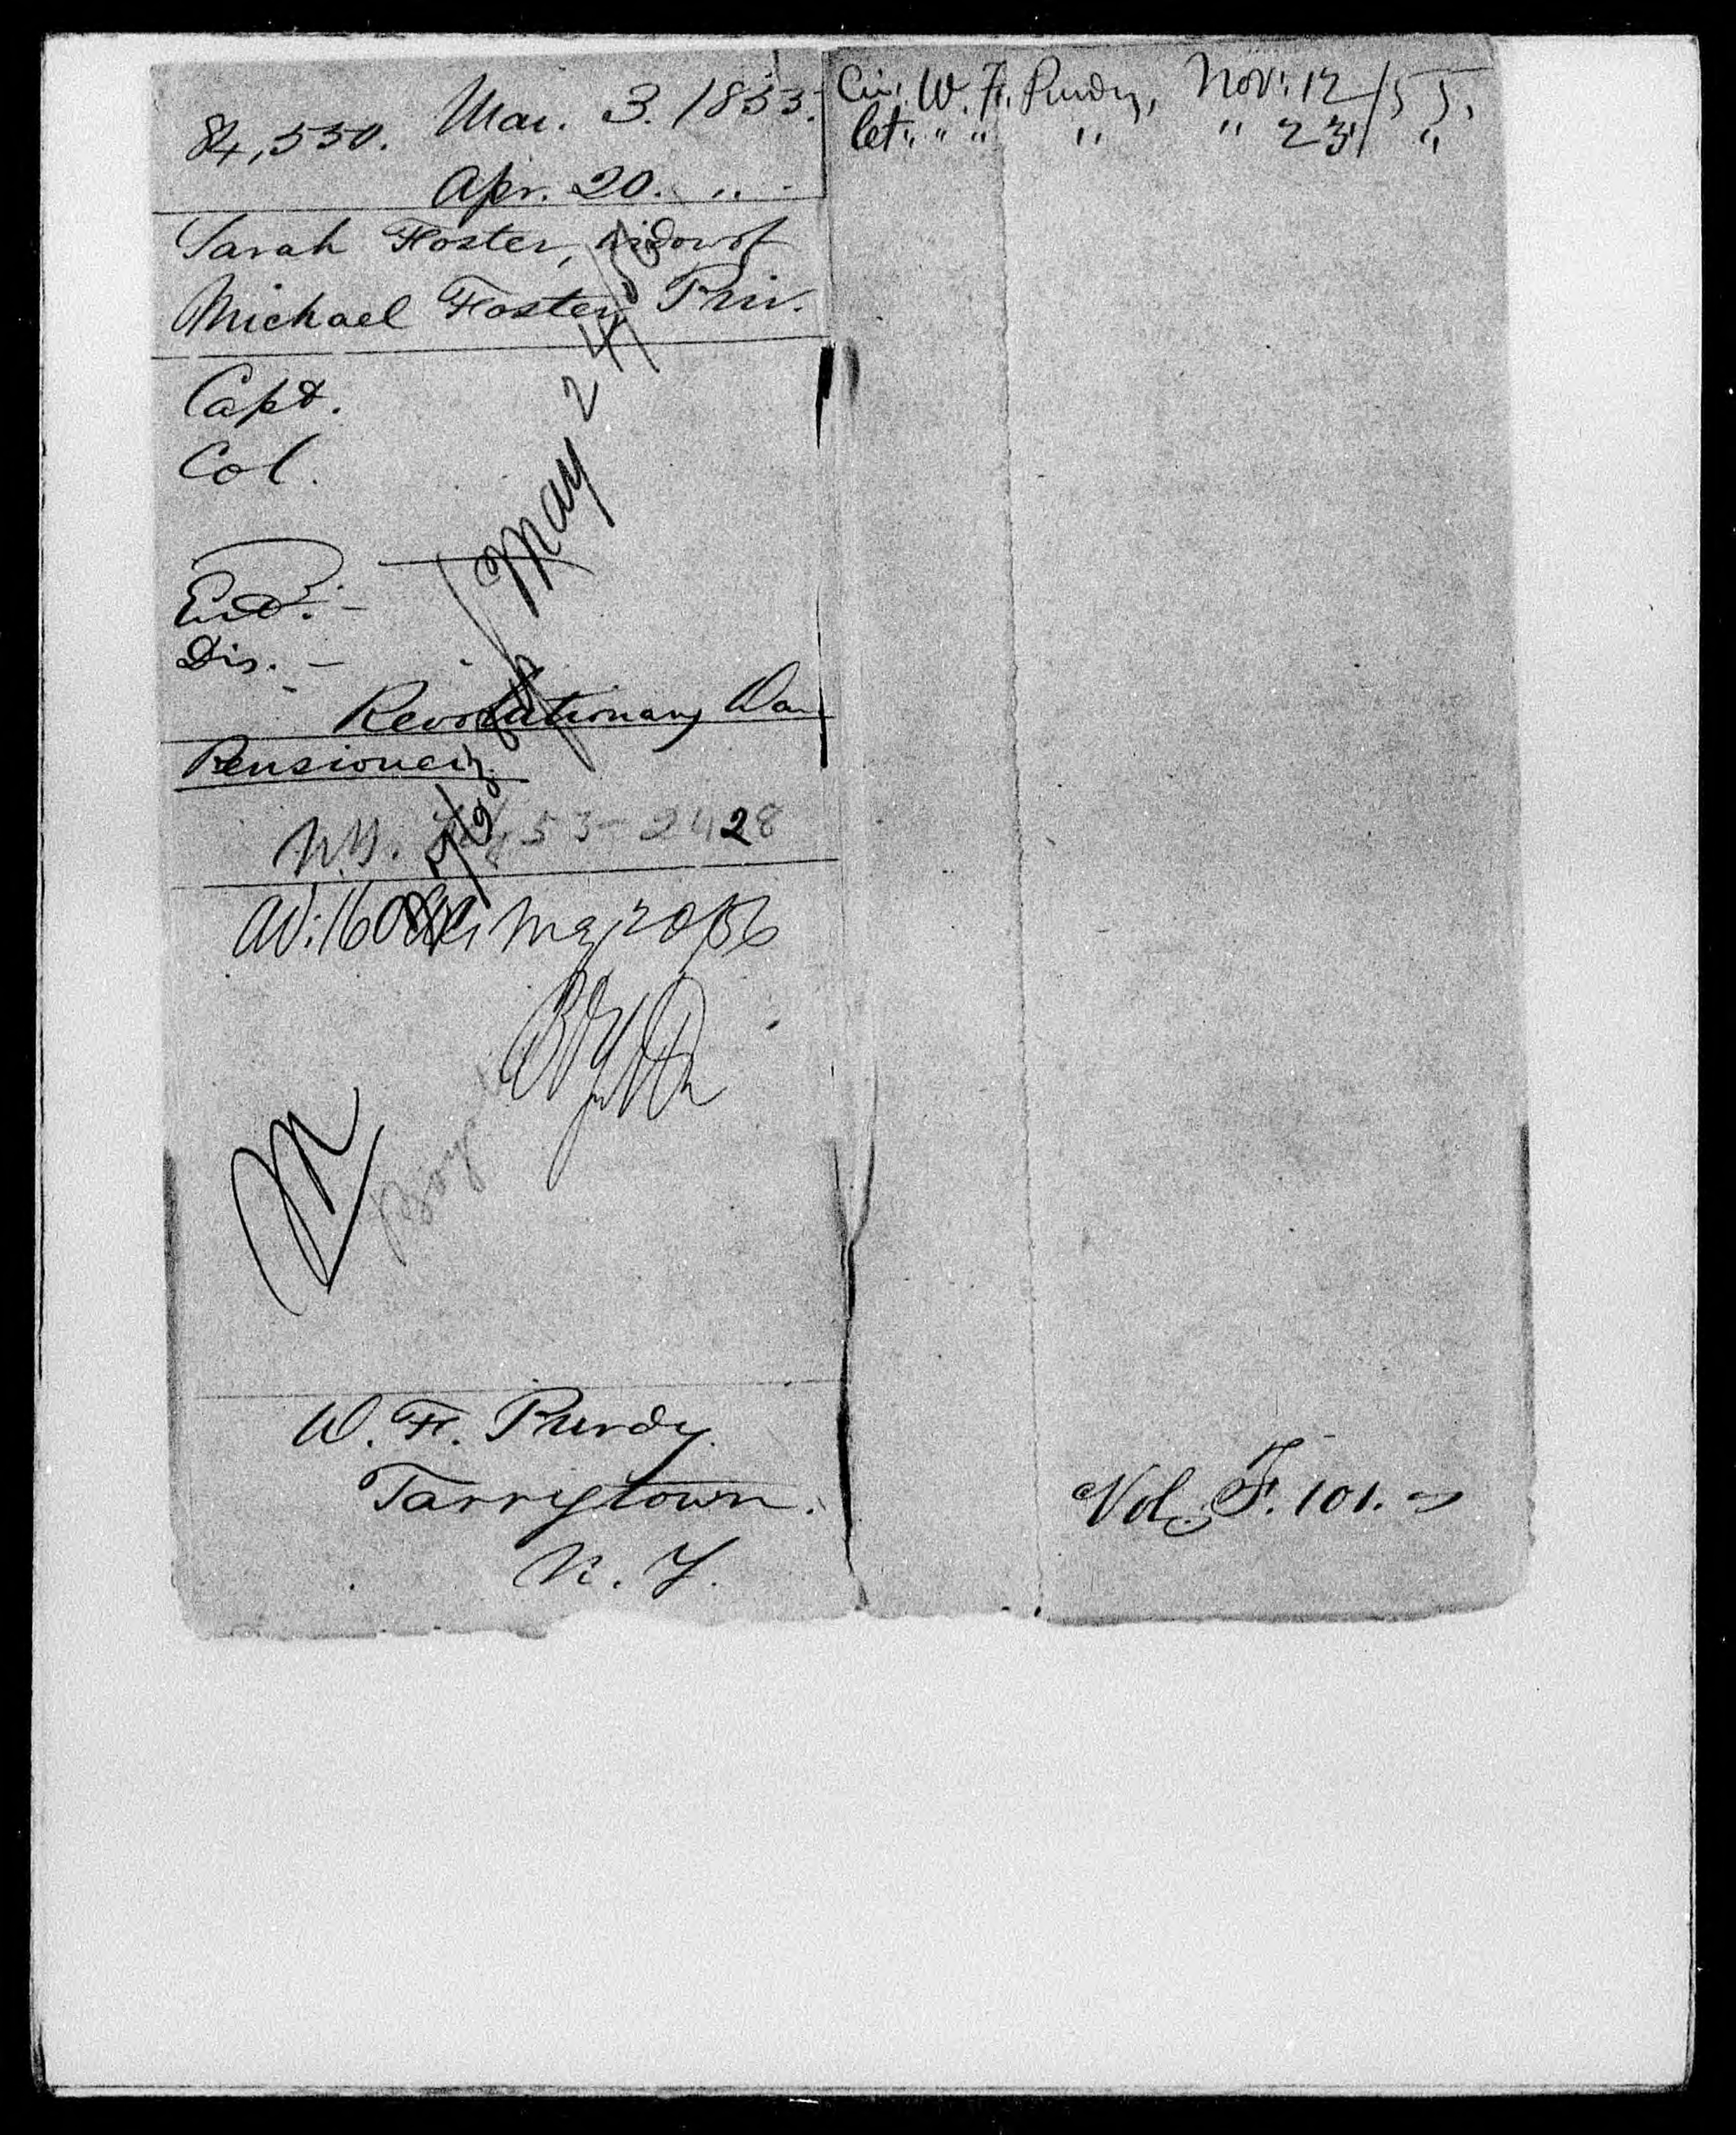(open paper that was folded with writing on both sides and diagonal)

left side
84,550 Mar. 3. 1853
Apr. 20. "
______________________________
Sarah Foster, widow of
Michael Foster, Pvt.
______________________________
Capt.
Col.

Enl.
Dis.
Revolutionary War
________________________________
Pensioner
_________
N.Y.  Feb 53-2428
_________________________________
AN:160 AC May 20/56
Boynton
M
-----
Boynrt
___________________
W. F. Purdy
Tarrytown
N. Y.
diagonal
27638 is May 24/56

right side
Cir. W. F. Purdy, Nov: 12/55
let   W. F. Purdy Nov 23/55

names: Michael Foster, Boynton, W F Purdy, Boynton, W F Purdy, Sarah Foster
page: 4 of 57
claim: widow's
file: W. 5275 1/2, Michael Foster, Penn.